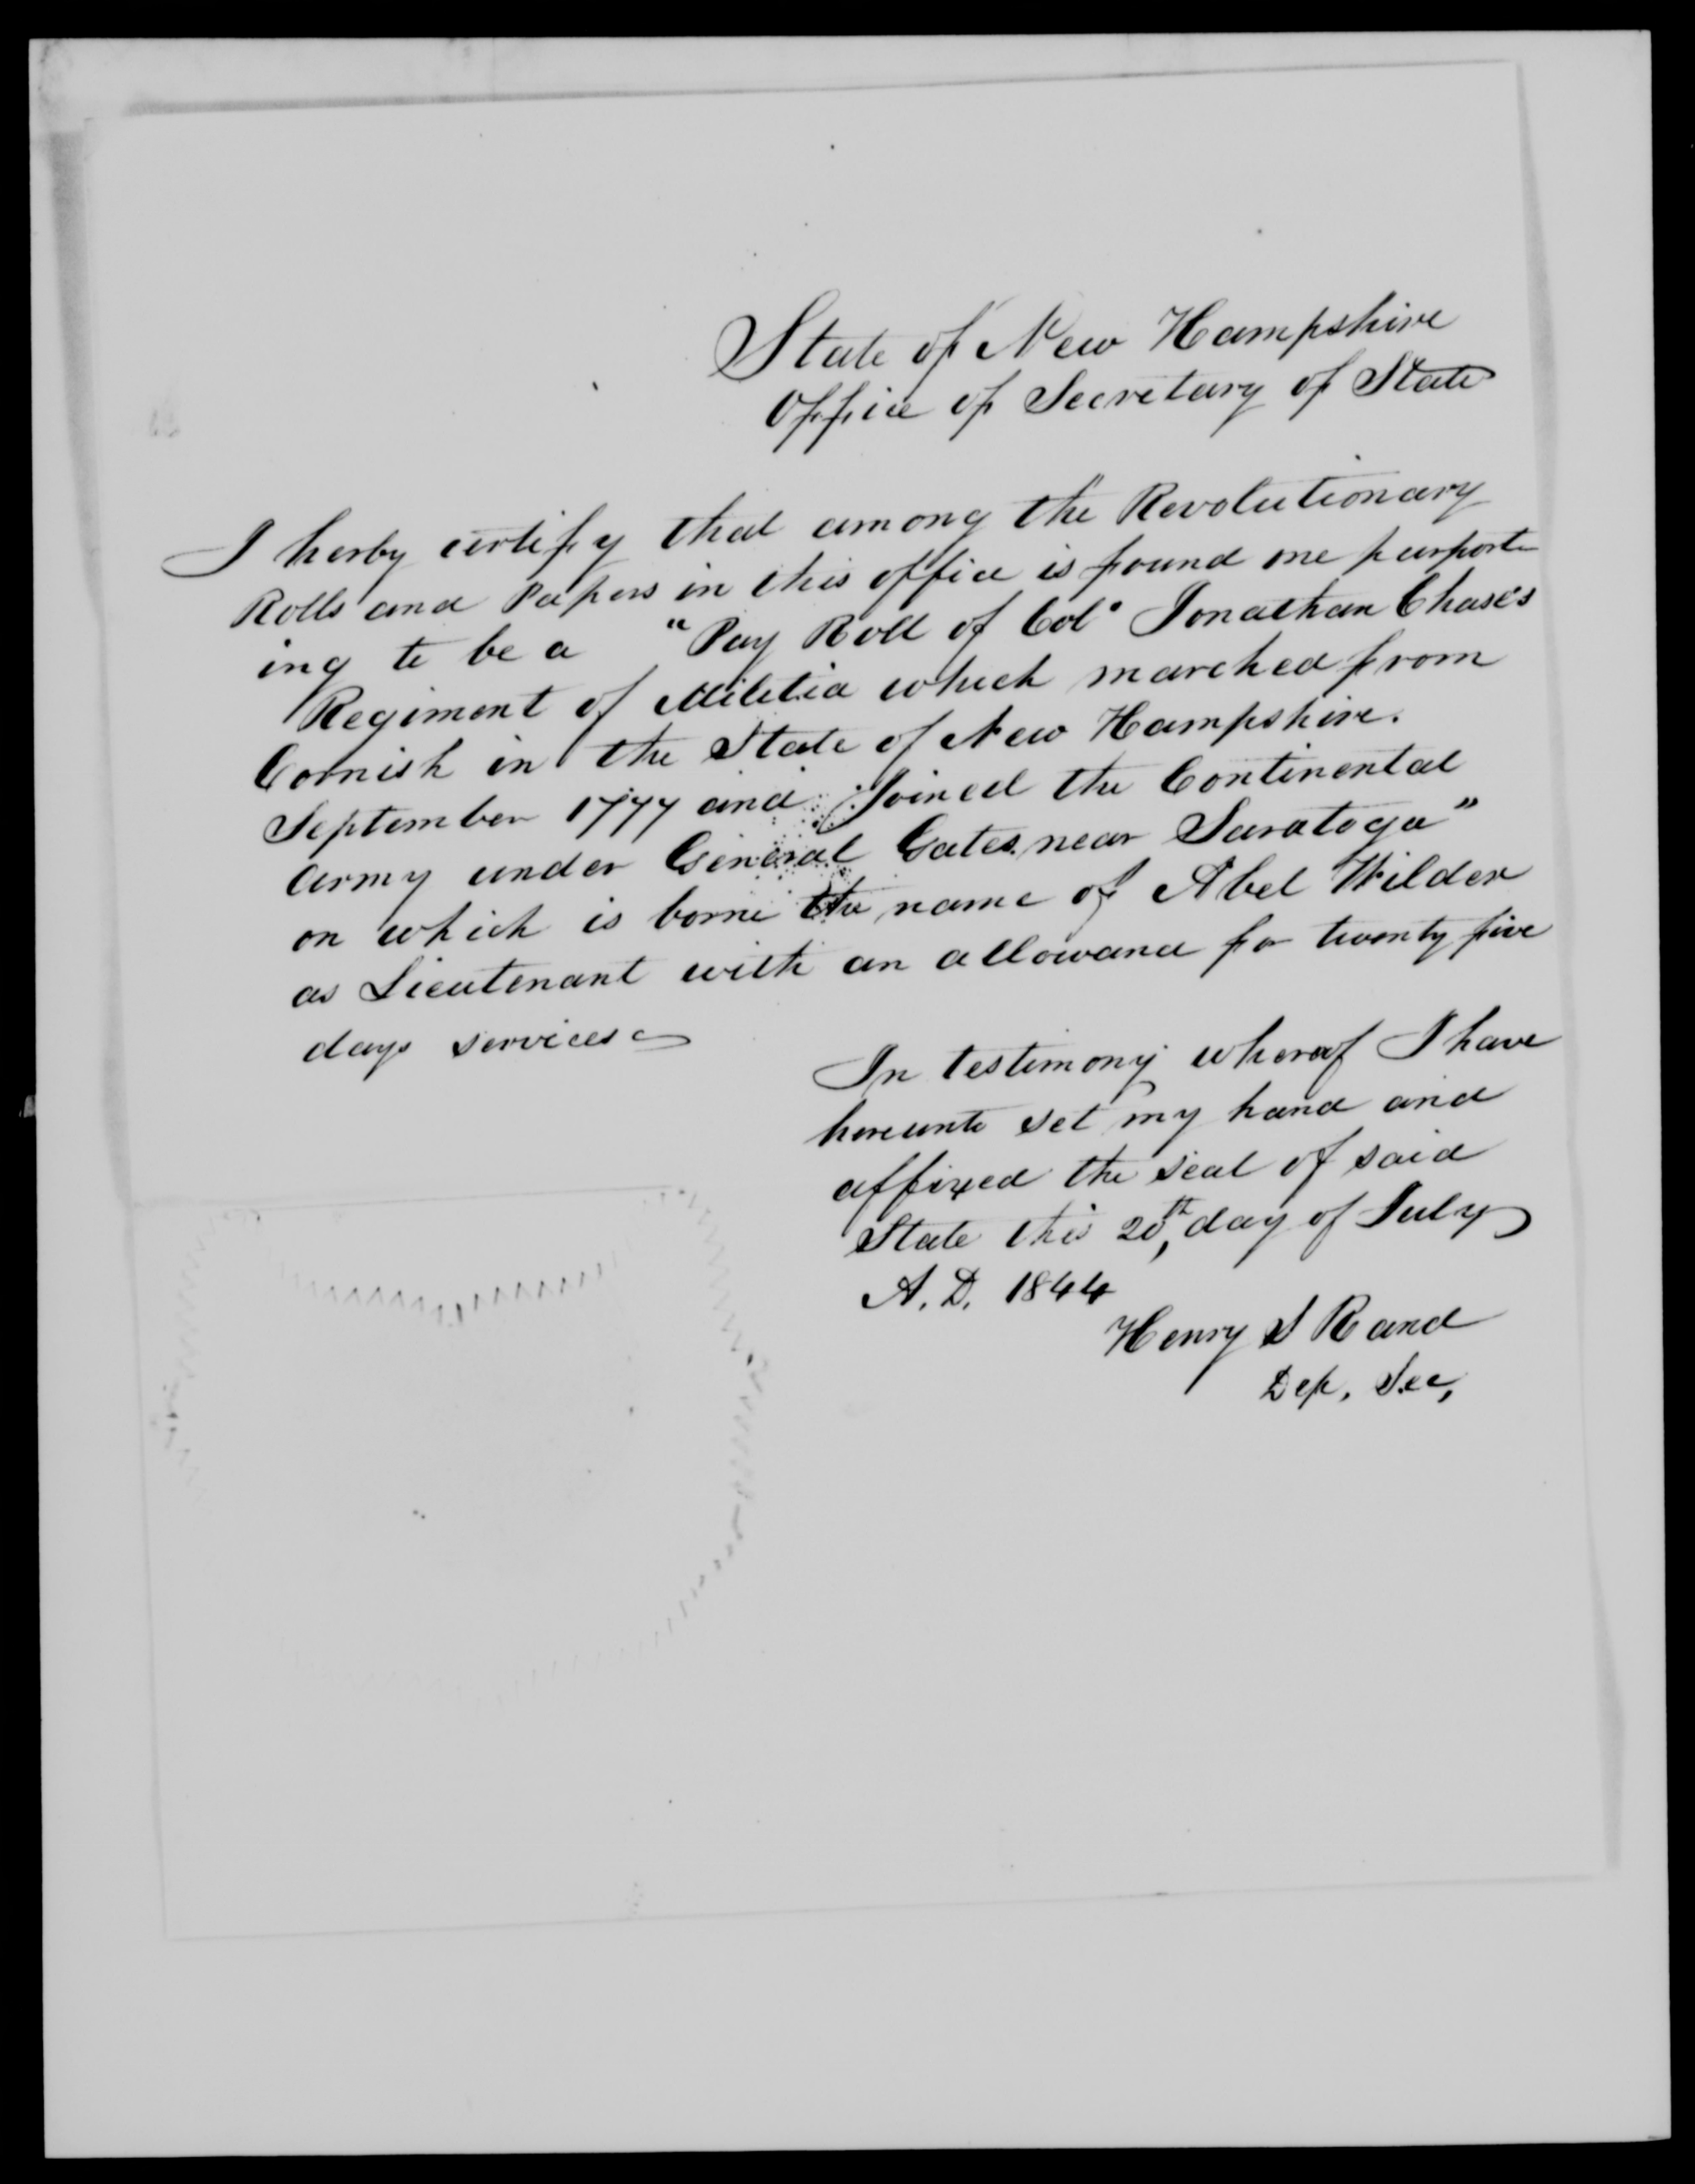State of New Hampshire
Office of Secretary of State

I hereby certify that among the Revolutionary Rolls and papers in their office is found one purport-ing to be a “Pay Roll of Col. Jonathan Chase’s Regiment of Militia which marched from Cornish in the State of New Hampshire September 1777 and joined the Continental Army under General Gates near Saratoga” on which is borne the name of Abel Wilder as Lieutenant with an allowance for twenty five days services. 
In testimony whereof I have hereunto set my hand and affixed the seal of said State this 20th, day of July A.D. 1844
Henry S. Rand
Dep. Sec.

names: Henry S Rand, Gates, Abel Wilder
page: 19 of 40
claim: widow's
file: W. 18,426, Abel Wilder, Mass. N.H. Vt.